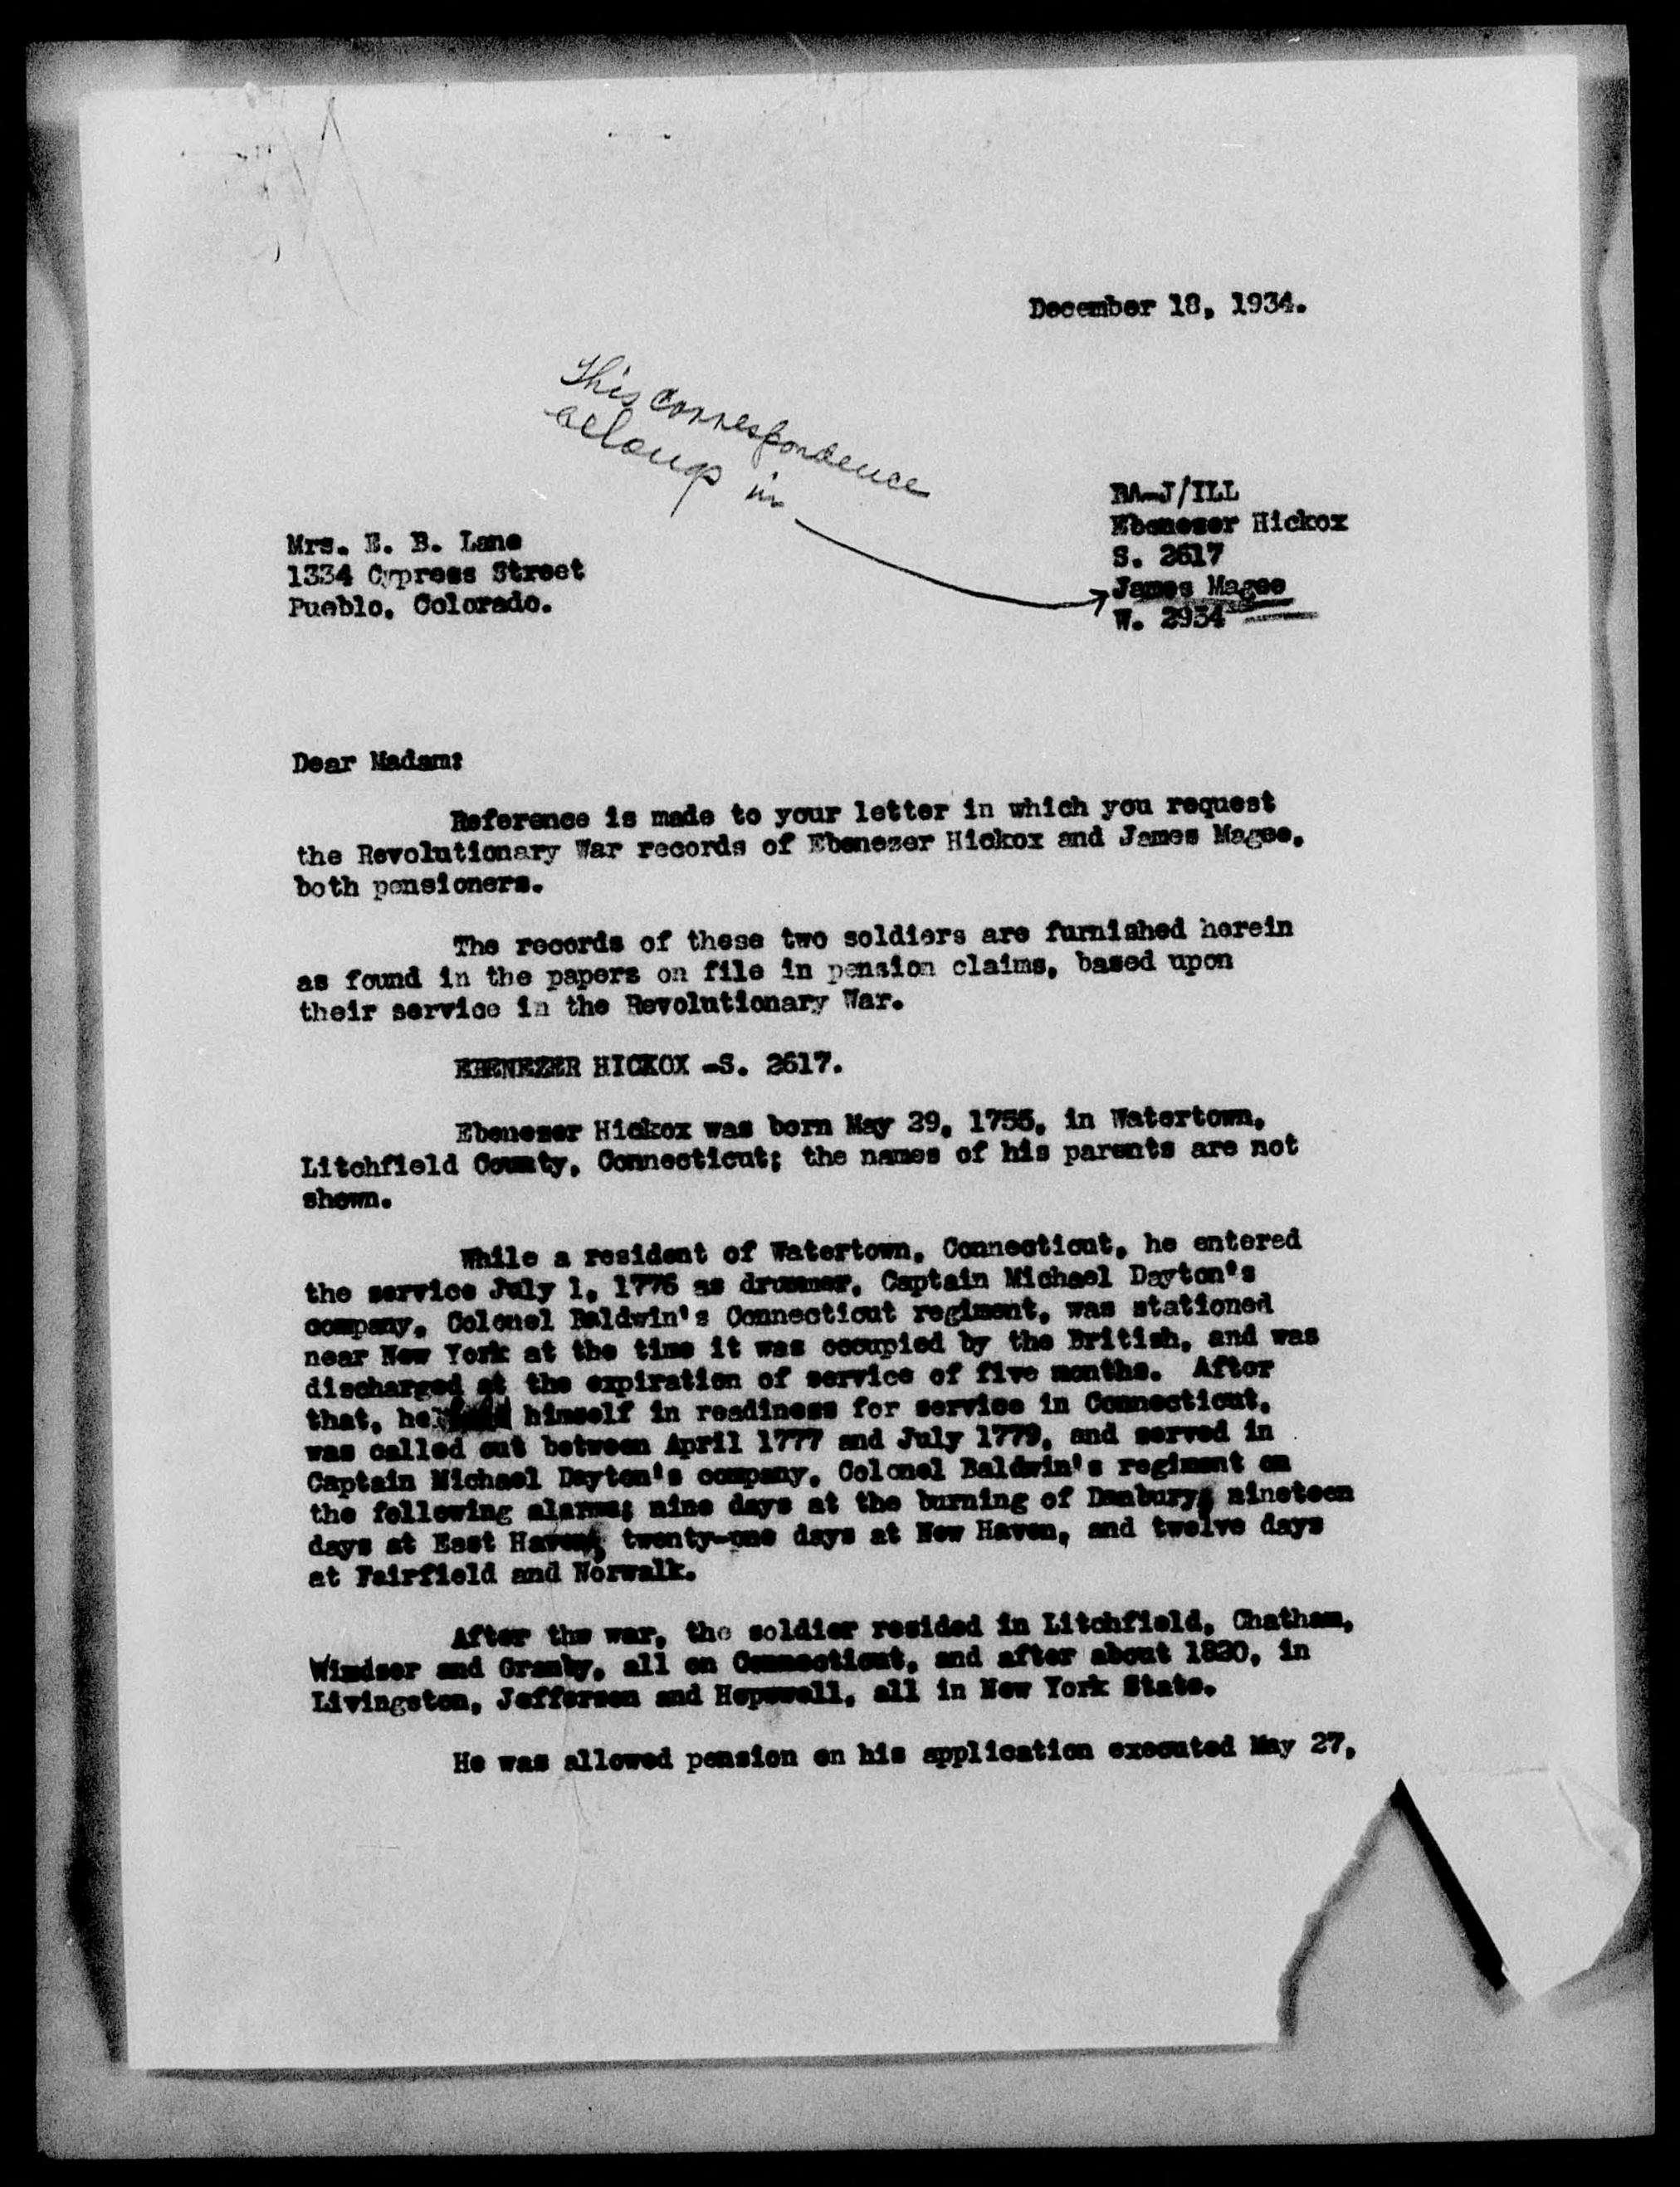December 18, 1934.

Mrs. E. B. Lane
1334 Cypress Street
Pueblo, Colorado.

BA-J/ILL
Ebenezer Hickox
S. 2617
James Magee
W. 2934

This
belongs
correspondence
in [these words are handwritten with an arrow drawn to James Magee]

Dear Madam:

Reference is made to your letter in which you request
the Revolutionary War records of Ebenezer Hickox and James Magee, both pensioners.

The records of these two soldiers are furnished herein as found in the papers on file in pension claims, based upon their service in the 
Revolutionary War.

ELENEZER HICKOX -S. 2617.
Ebenezer Hickox was born May 29, 1755, in Watertown,
Litchfield County, Connecticut; the names of his parents are not
shown.
While a resident of Watertown, Connecticut, he entered
the service July 1, 1776 as drummer, Captain Michael Dayton's
Company, Colonel Baldwin's Connecticut regiment, was stationed
near New York at the time it was occupied by the British, and was
discharged at the expiration of service of five months. After
that he [illegible black out] himself in readiness for service in Connecticut.
was called out between April 1777 and July 1779, and served in
Captain Michael Dayton's company, Colonel Baldwin's regiment on
the following alarms; nine days at the burning of Danbury, nineteen
days at East Haven twenty-one days at New Haven, and twelve days
at Fairfield and Norwalk.
After the war, the soldier resided in Litchfield, Chatham,
Windsor and Granby, all on Connecticut, and after about 1820, in
Livingston, Jefferson and Hopewell, all in New York State.
He was allowed pension on his application executed May 27,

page: 74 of 77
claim: widow's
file: W 2954, for James Mc Gee, Delaware